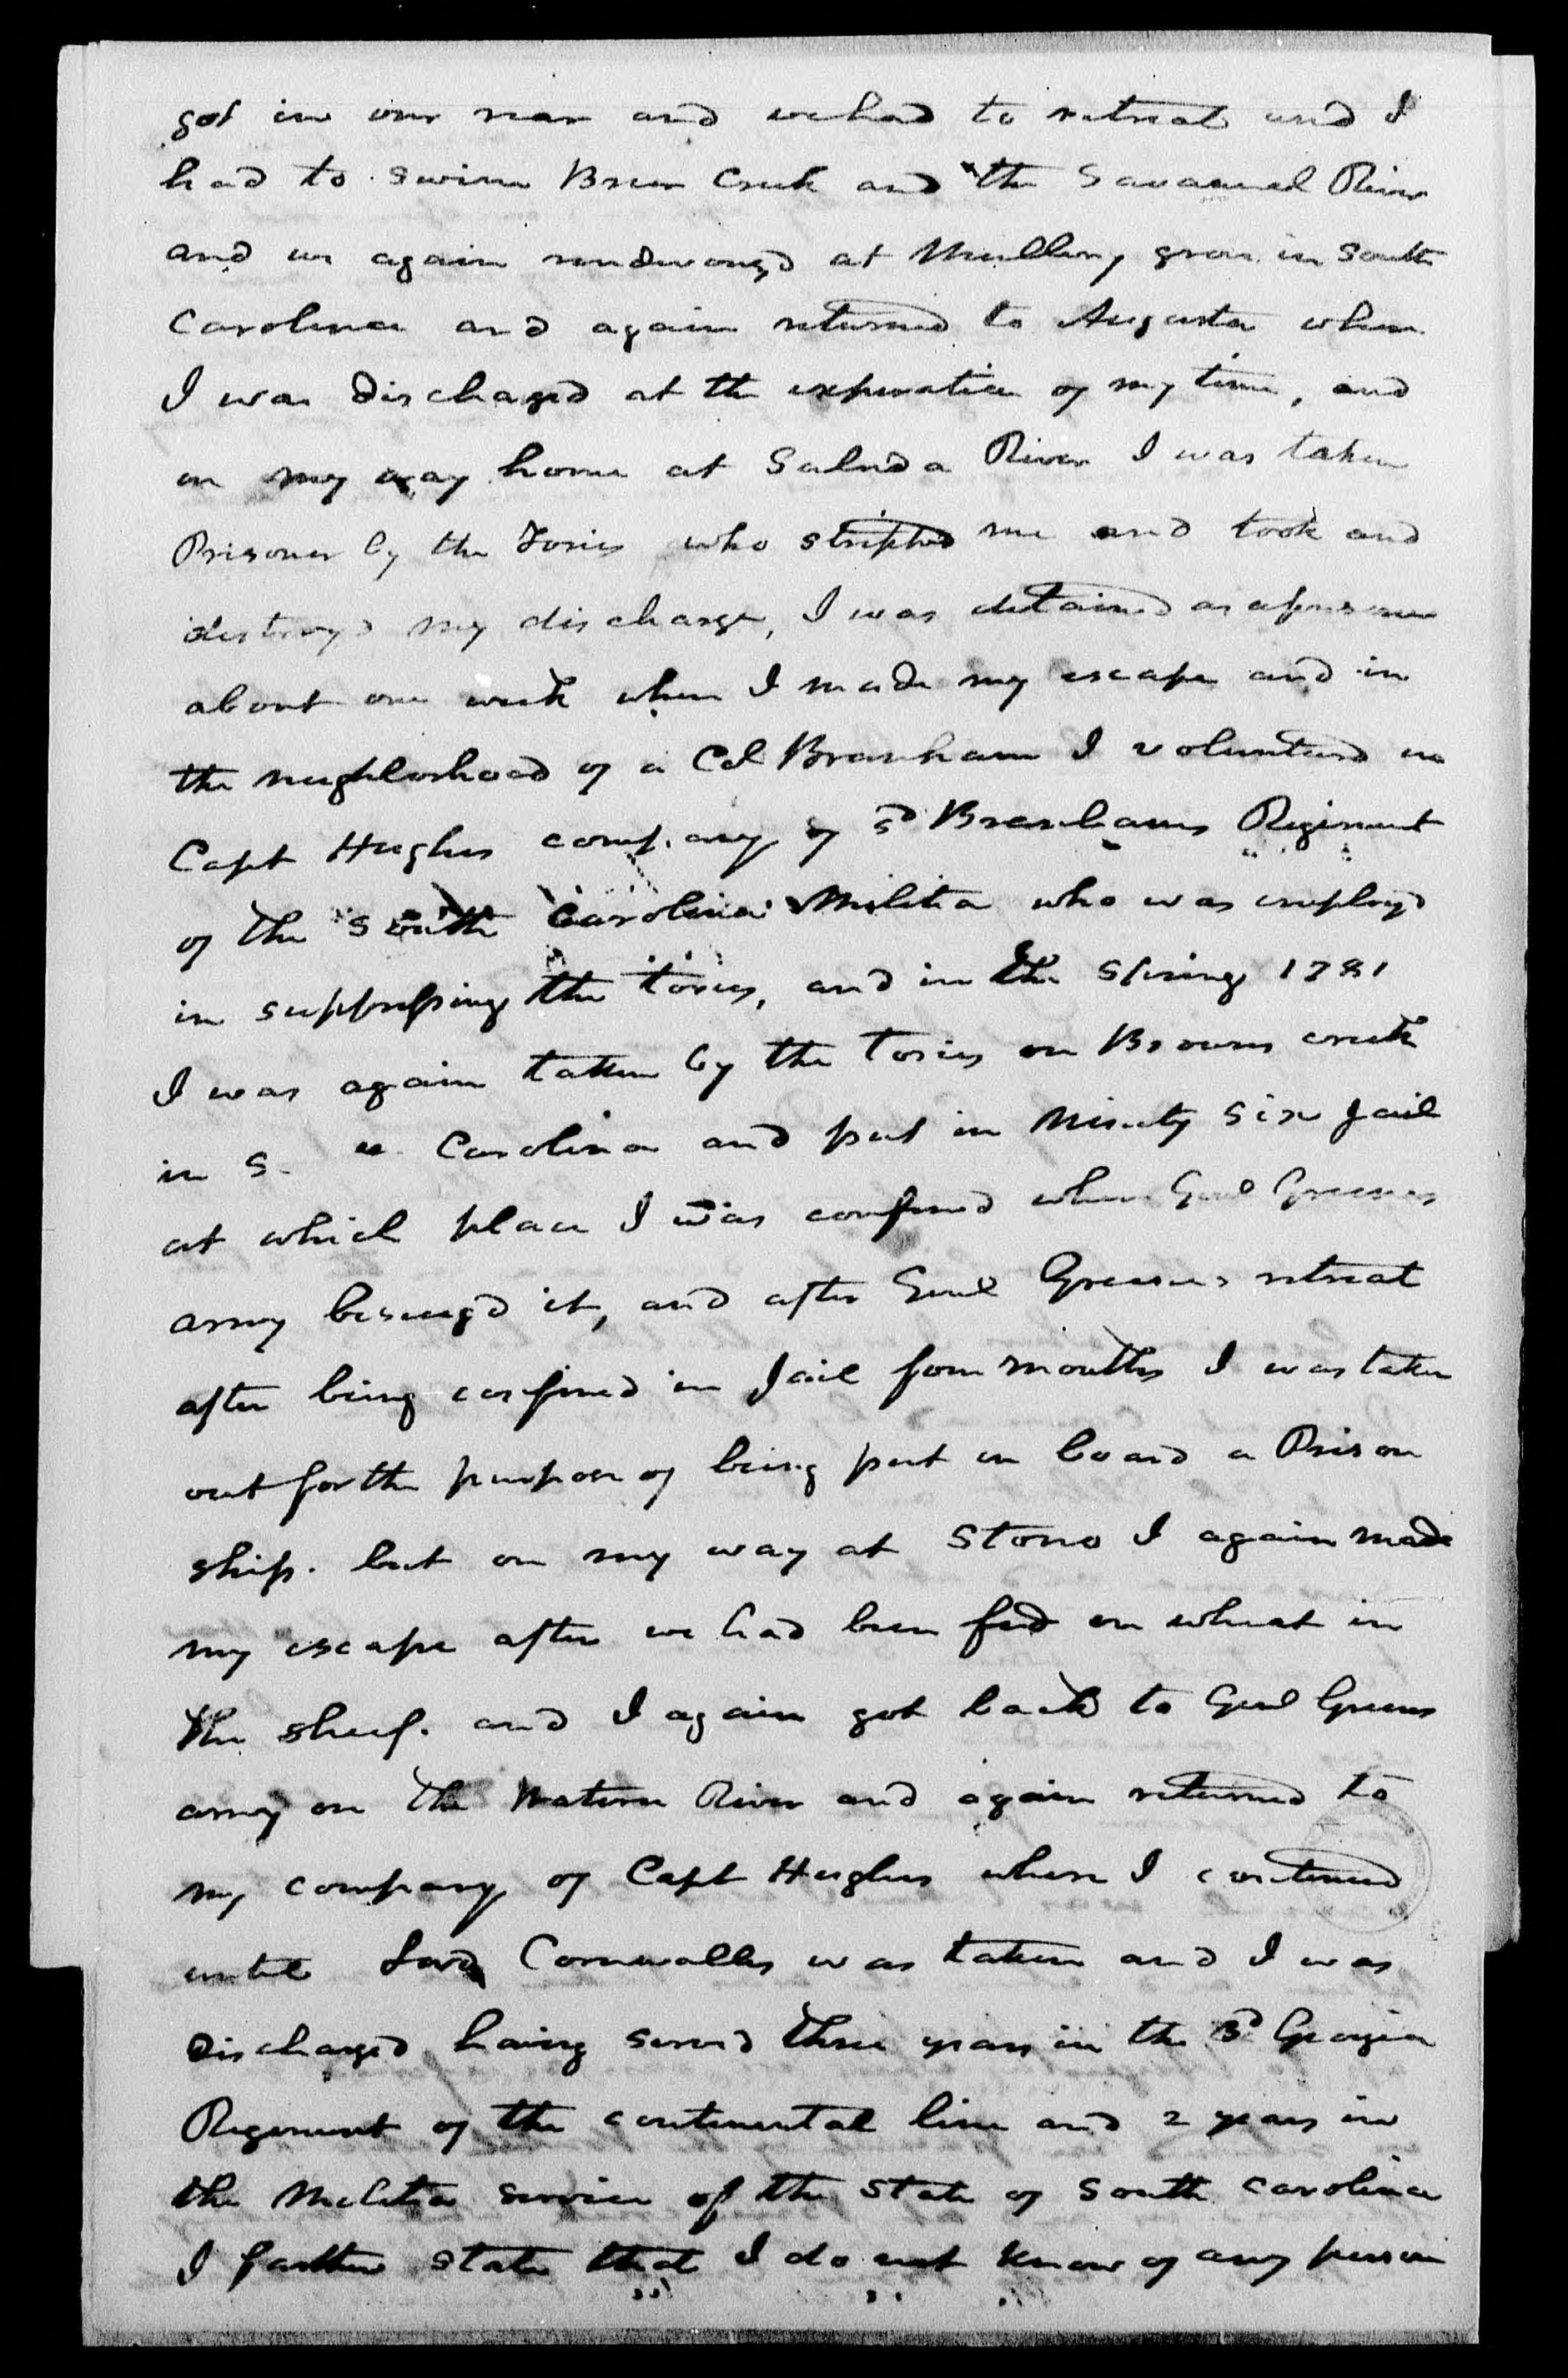got in our rear and we had to retreat and I had to swim Briar Creek and the Savannah River and we again rendezvoused at Mulling  grove in South Carolina and again returned to Augusta where I was discharged at the expiration of my time, and on my way home at Saluda River I was taken prisoner by the Tories who stripped me and took and destroyed my discharge I was detained as a prisoner about one week when I made my escape and in the neighborhood of a Colonel Branham I volunteered in Captain Hughes Company of said Branham's Regiment of the South Carolina Militia who was employed in suppressing the Tories, and in the spring 1781 I was again taken by the Tories on Browns creek in S. Carolina and put in Ninety six jail at which place I was confined when General. Greene's army besieged it, and after General. Greene;s retreat after being confined in jail four months I was taken out for the purpose of being put on board a Prison ship, but on my way at Stono I again made my escape after we had been fired on [illegible] in the ship and I again got back to General. Greene's army on the Watson River and again returned to my company of Captain Hughes when I continued until Lord Cornwallis was taken and I was discharged having served three years in the said Georgia Regiment 7th continental line and 2 years in the militia service of the State of South Carolina I further state that I do not know of any person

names: Greene, Greene, Greene, Hughes, Branham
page: 4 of 12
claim: survivor's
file: S. 16,362, Henry Deshasure, Ga. S.C.